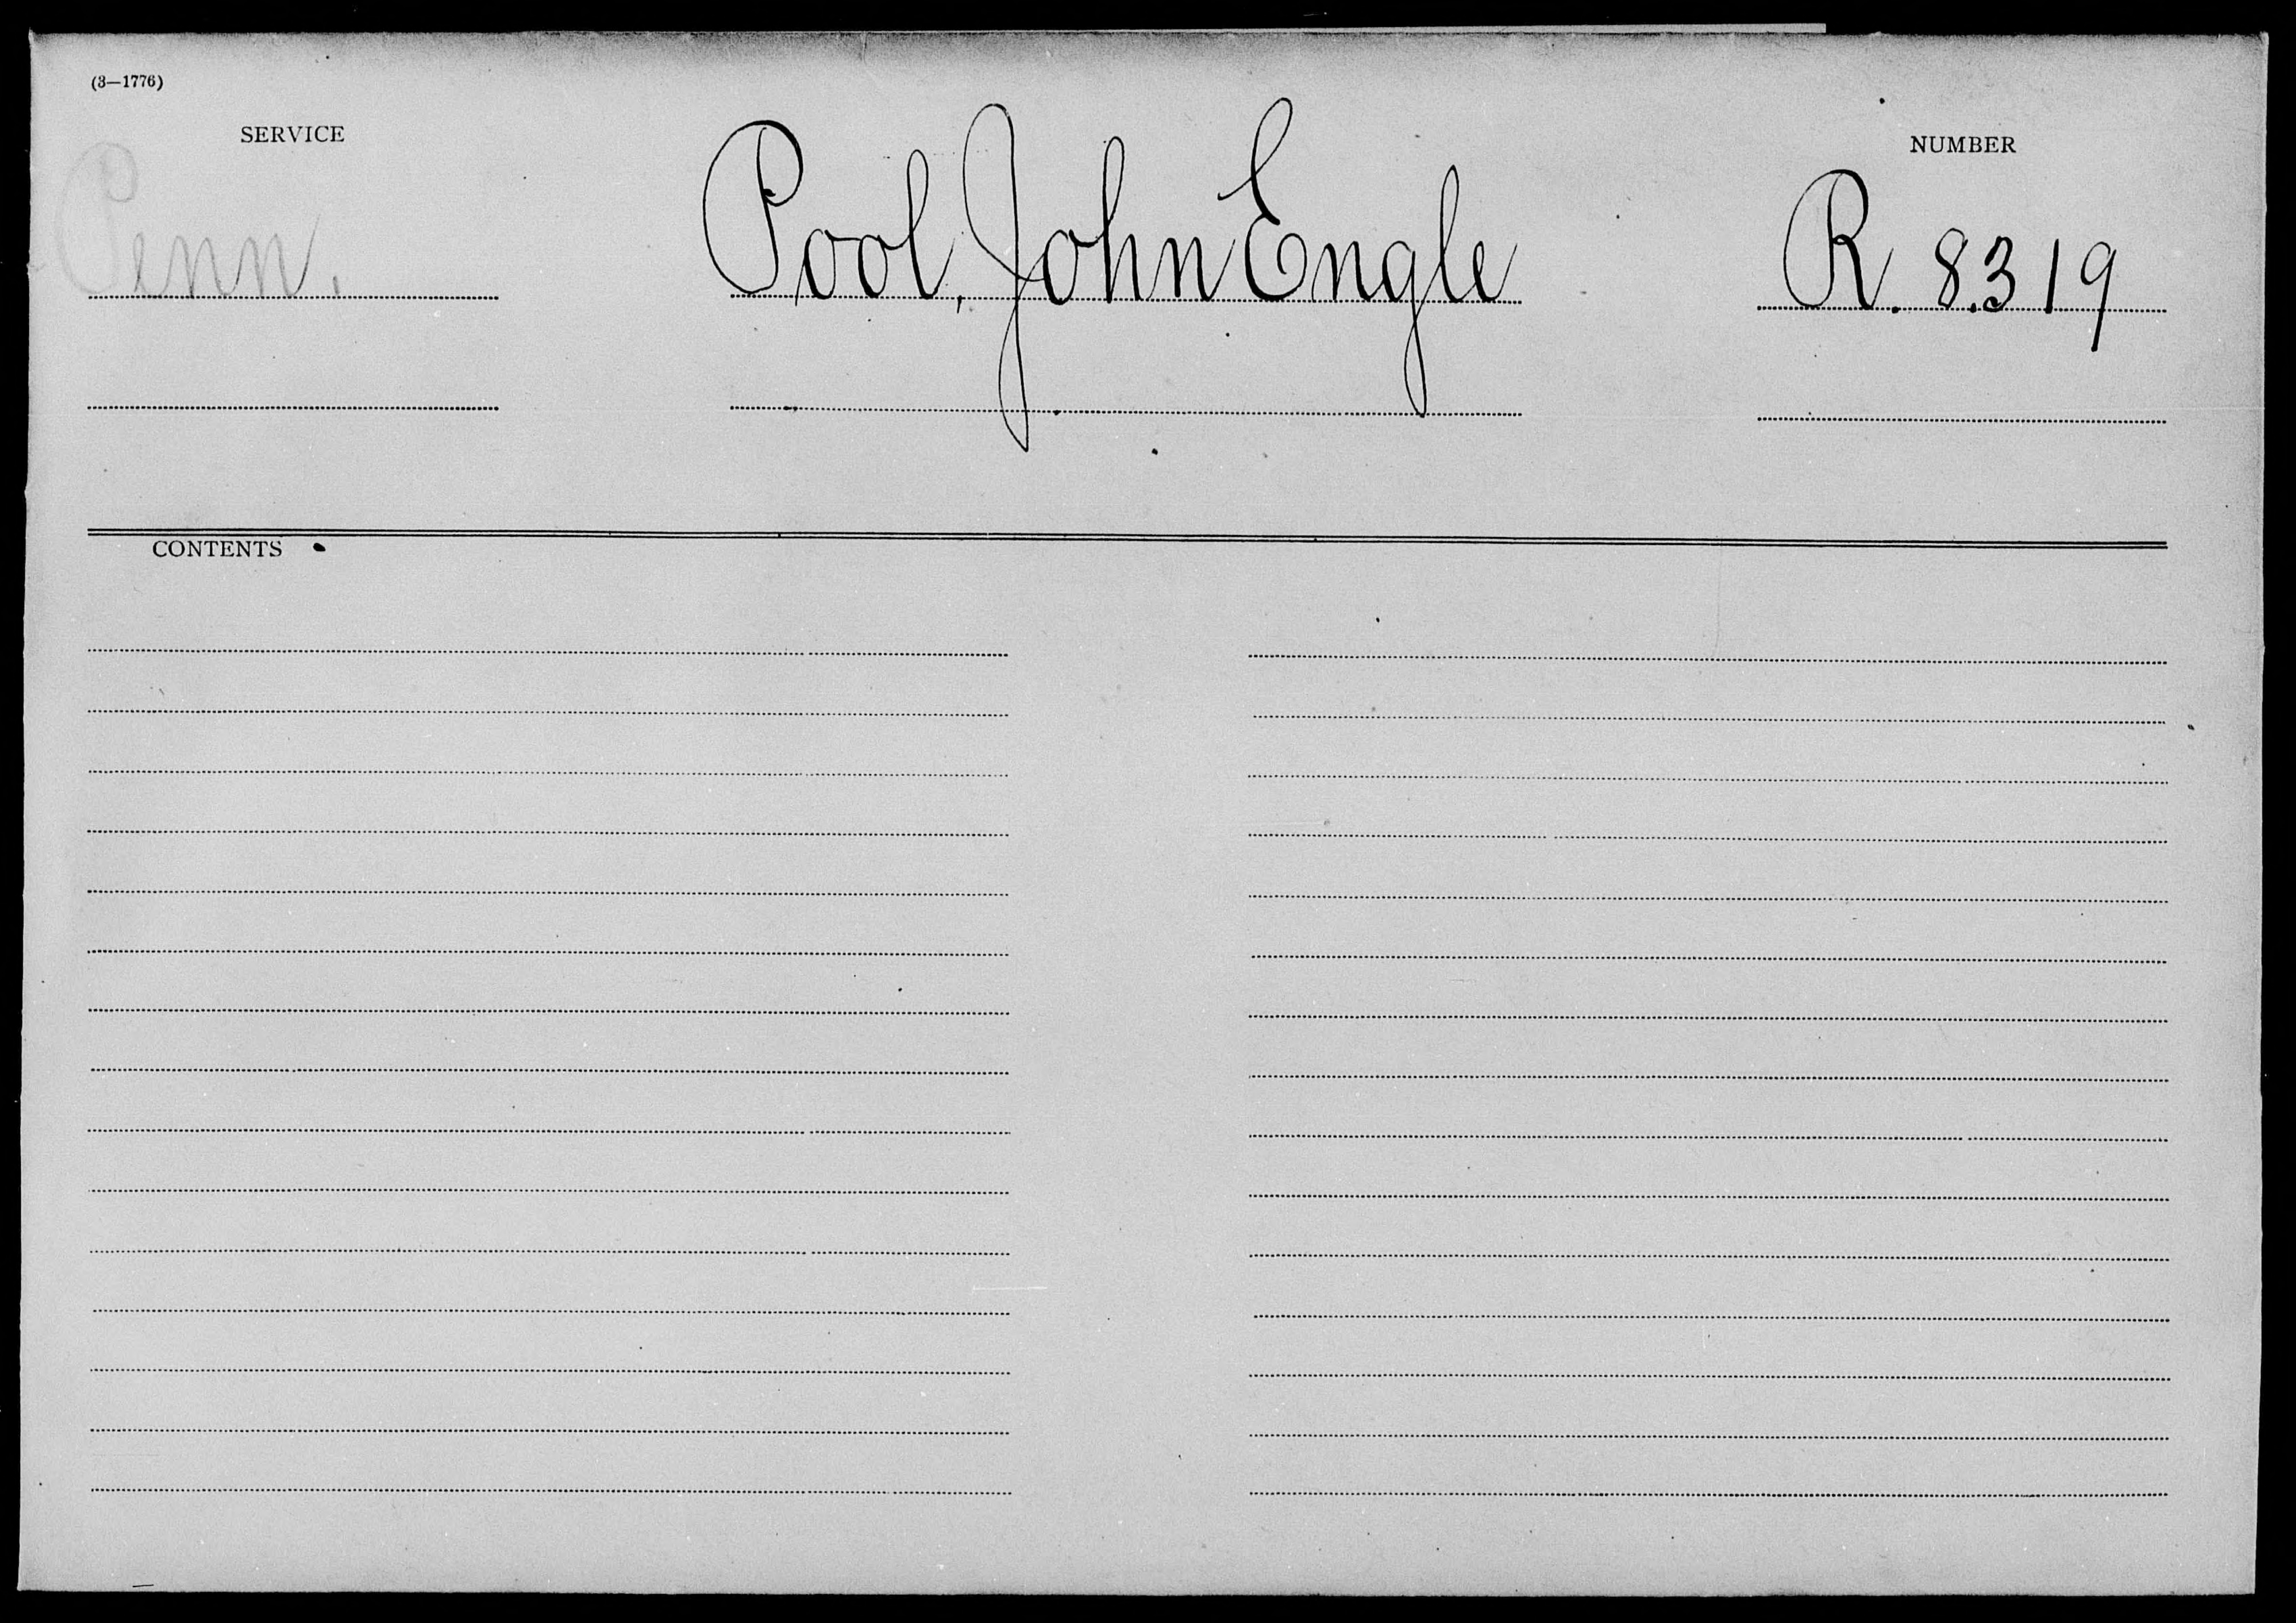(3-1776)

SERVICE
Penn.

Pool, John Engle

NUMBER
R. 8.319


CONTENTS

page: 1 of 22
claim: rejected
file: R. 8,319, for John Engle Pool, Pennsylvania